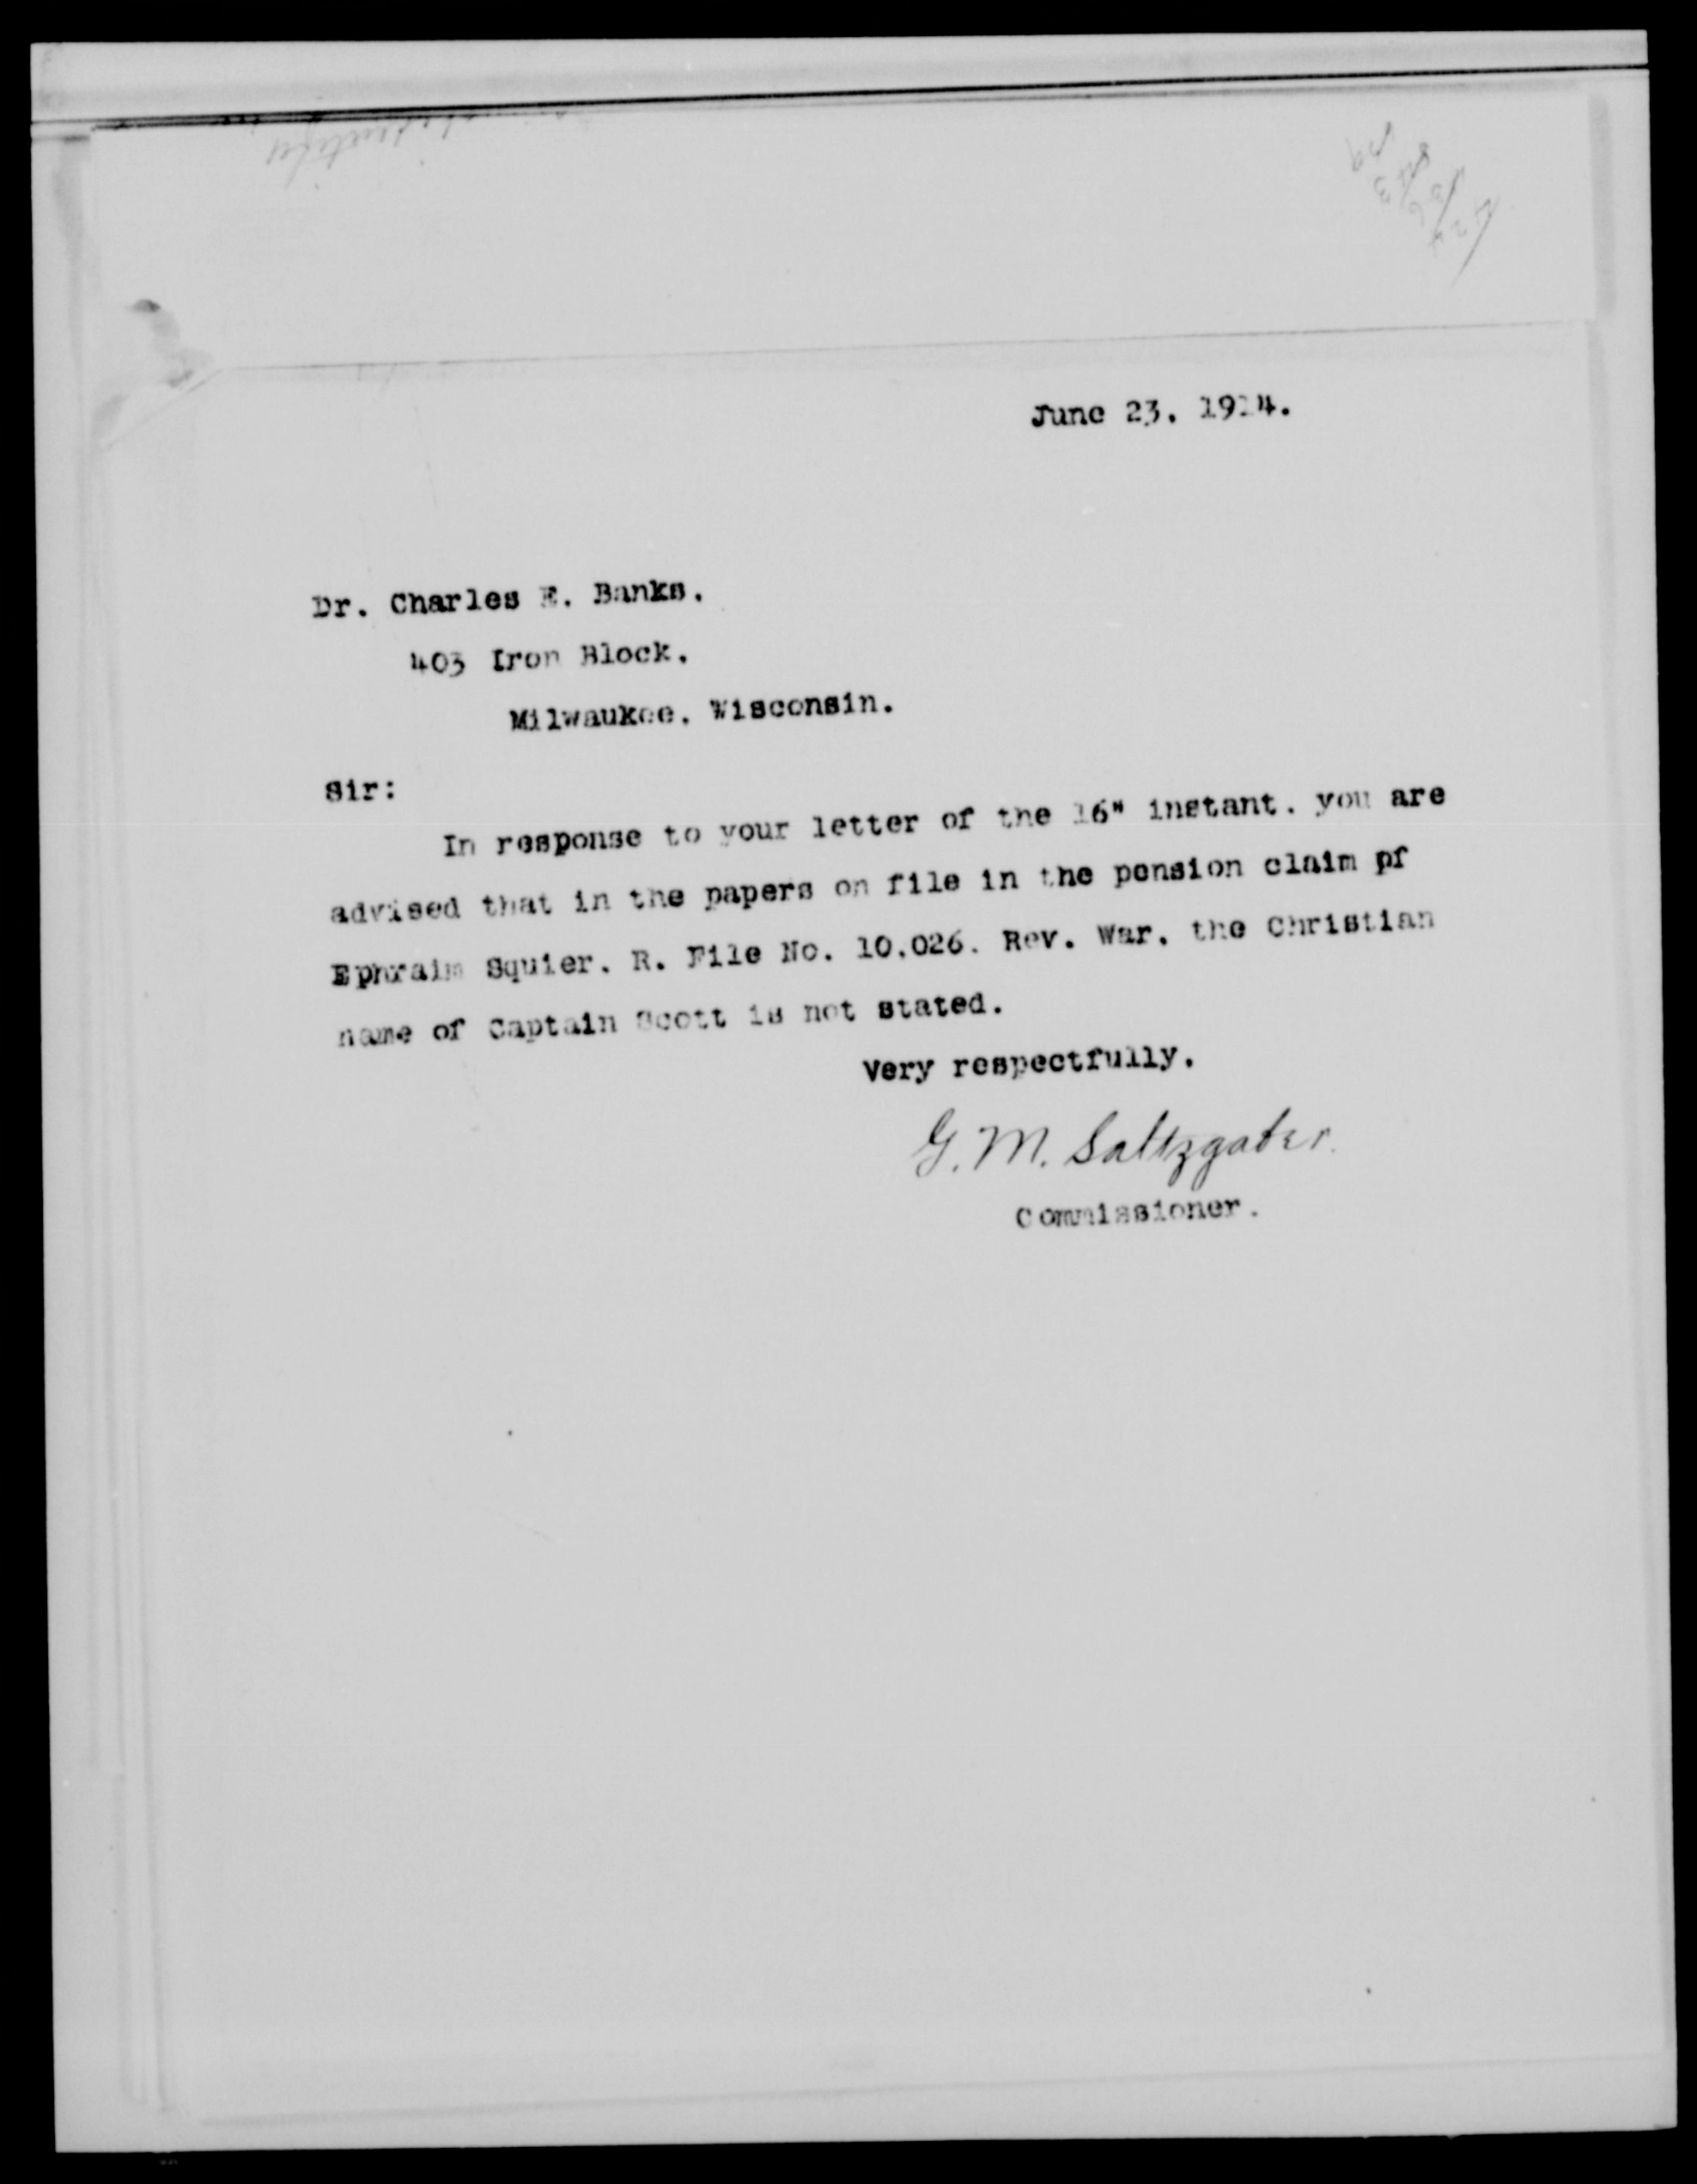June 23, 1924.

Dr. Charles E. Banks.
403 Iron Block. 
Milwaukee Wisconsin.

Sir:
In response to your letter of the 16" instant. you are advised that in the papers on file in the pension claim of Ephraim Squier. R. File No. 10,0026. Rev. War. the Christian name of Captain Scott is not stated. 
Very Respectfully, 
G.M. Saltzgaber
Commissioner.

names: Ephraim Squier; Charles E Banks; G M Saltzgaber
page: 70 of 70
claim: rejected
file: R. 10,026, for Ephraim Squier, Connecticut